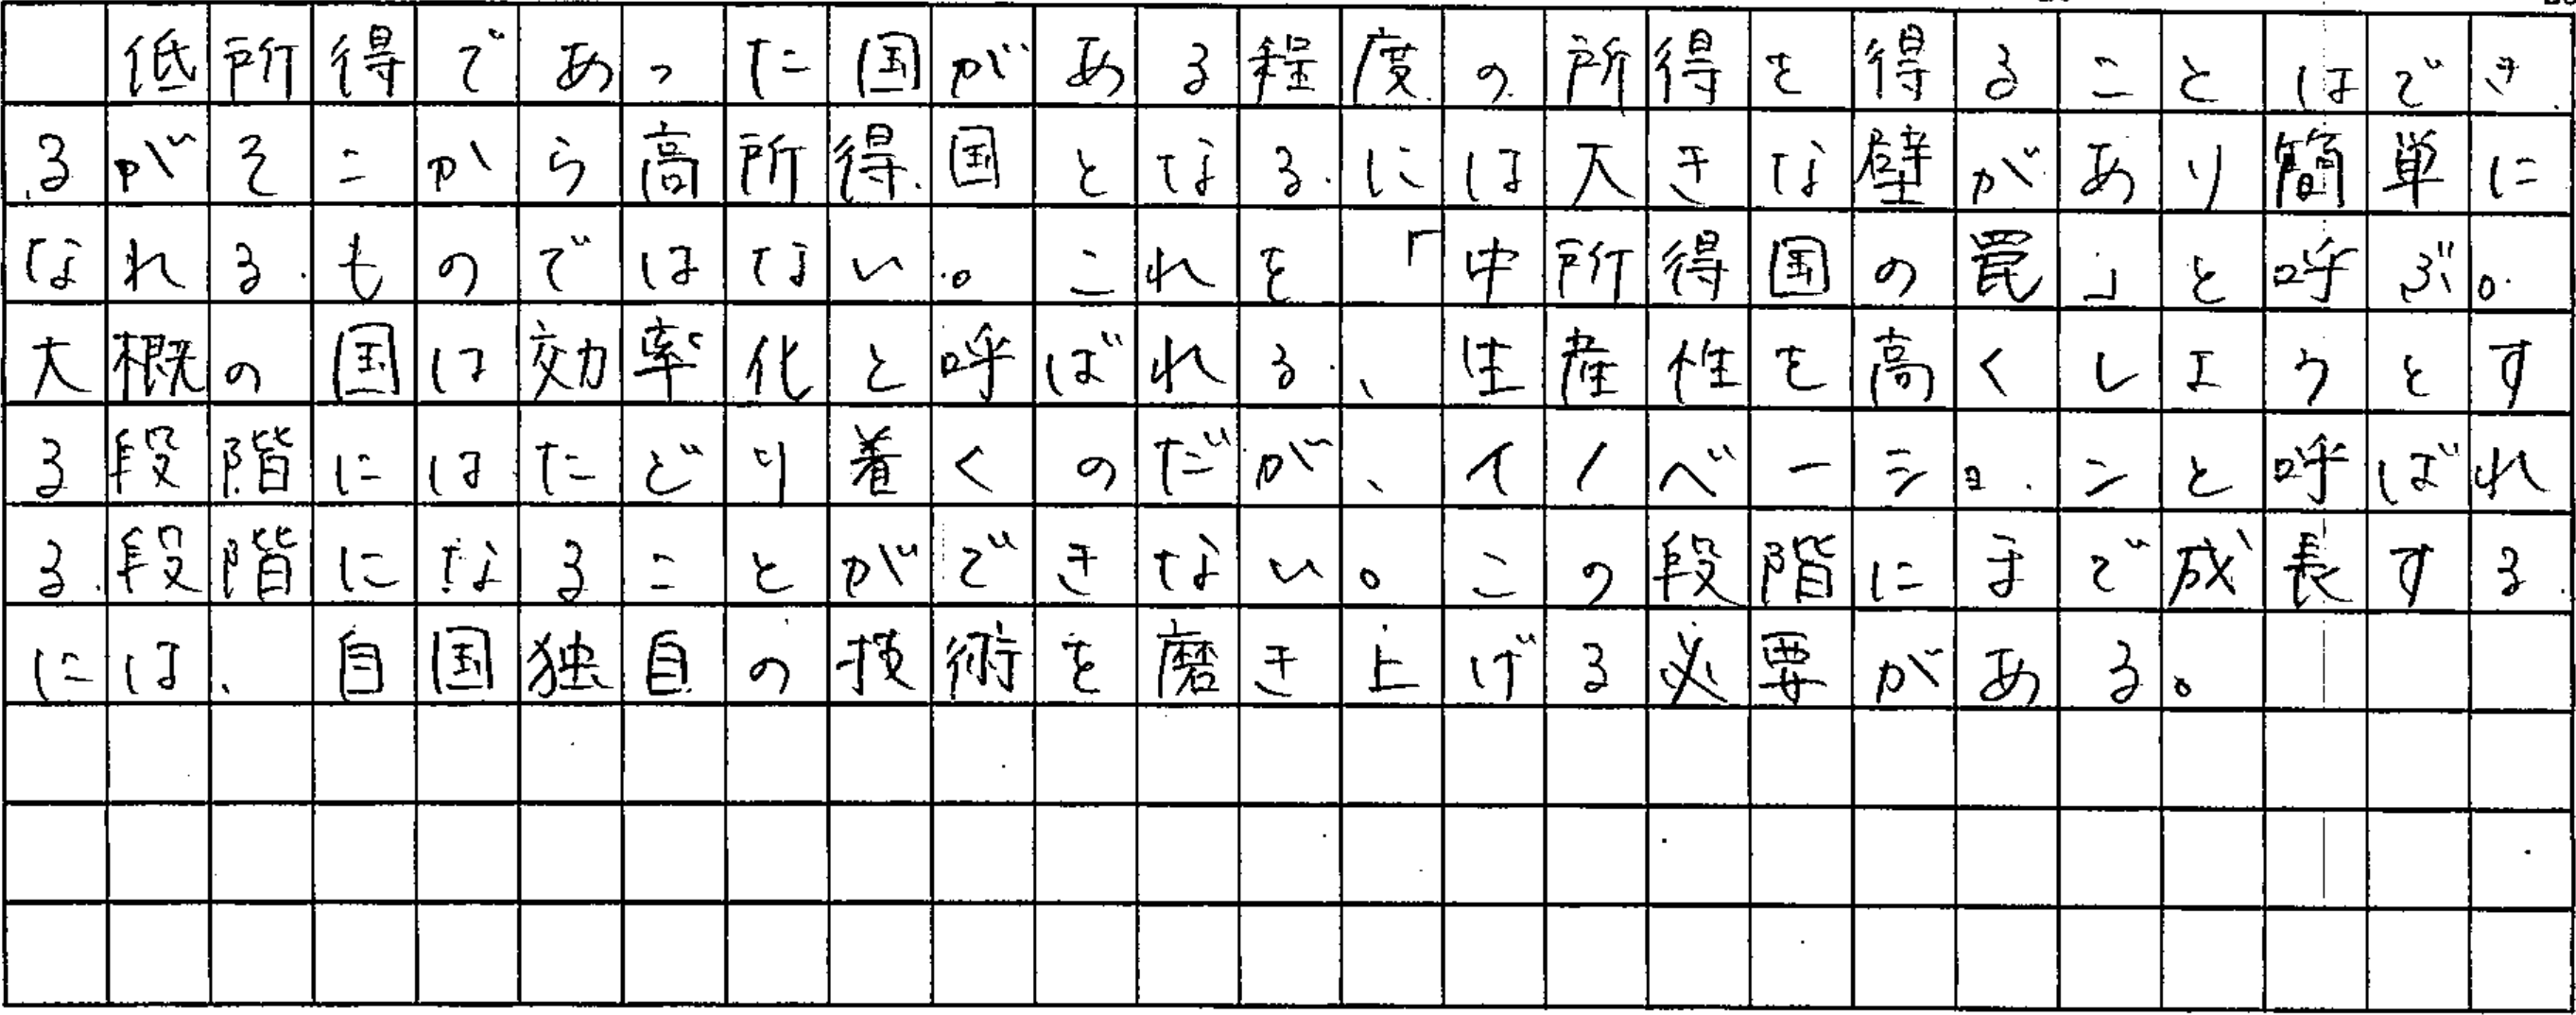　低所得であった国がある程度の所得を得ることはできるがそこから高所得国となるには大きな壁があり簡単になれるものではない。これを「中所得国の罠」と呼ぶ。大概の国は効率化と呼ばれる、生産性を高くしようとする段階にはたどり着くのだが、イノベーションと呼ばれる段階になることができない。この段階にまで成長するには、自国独自の技術を磨き上げる必要がある。
